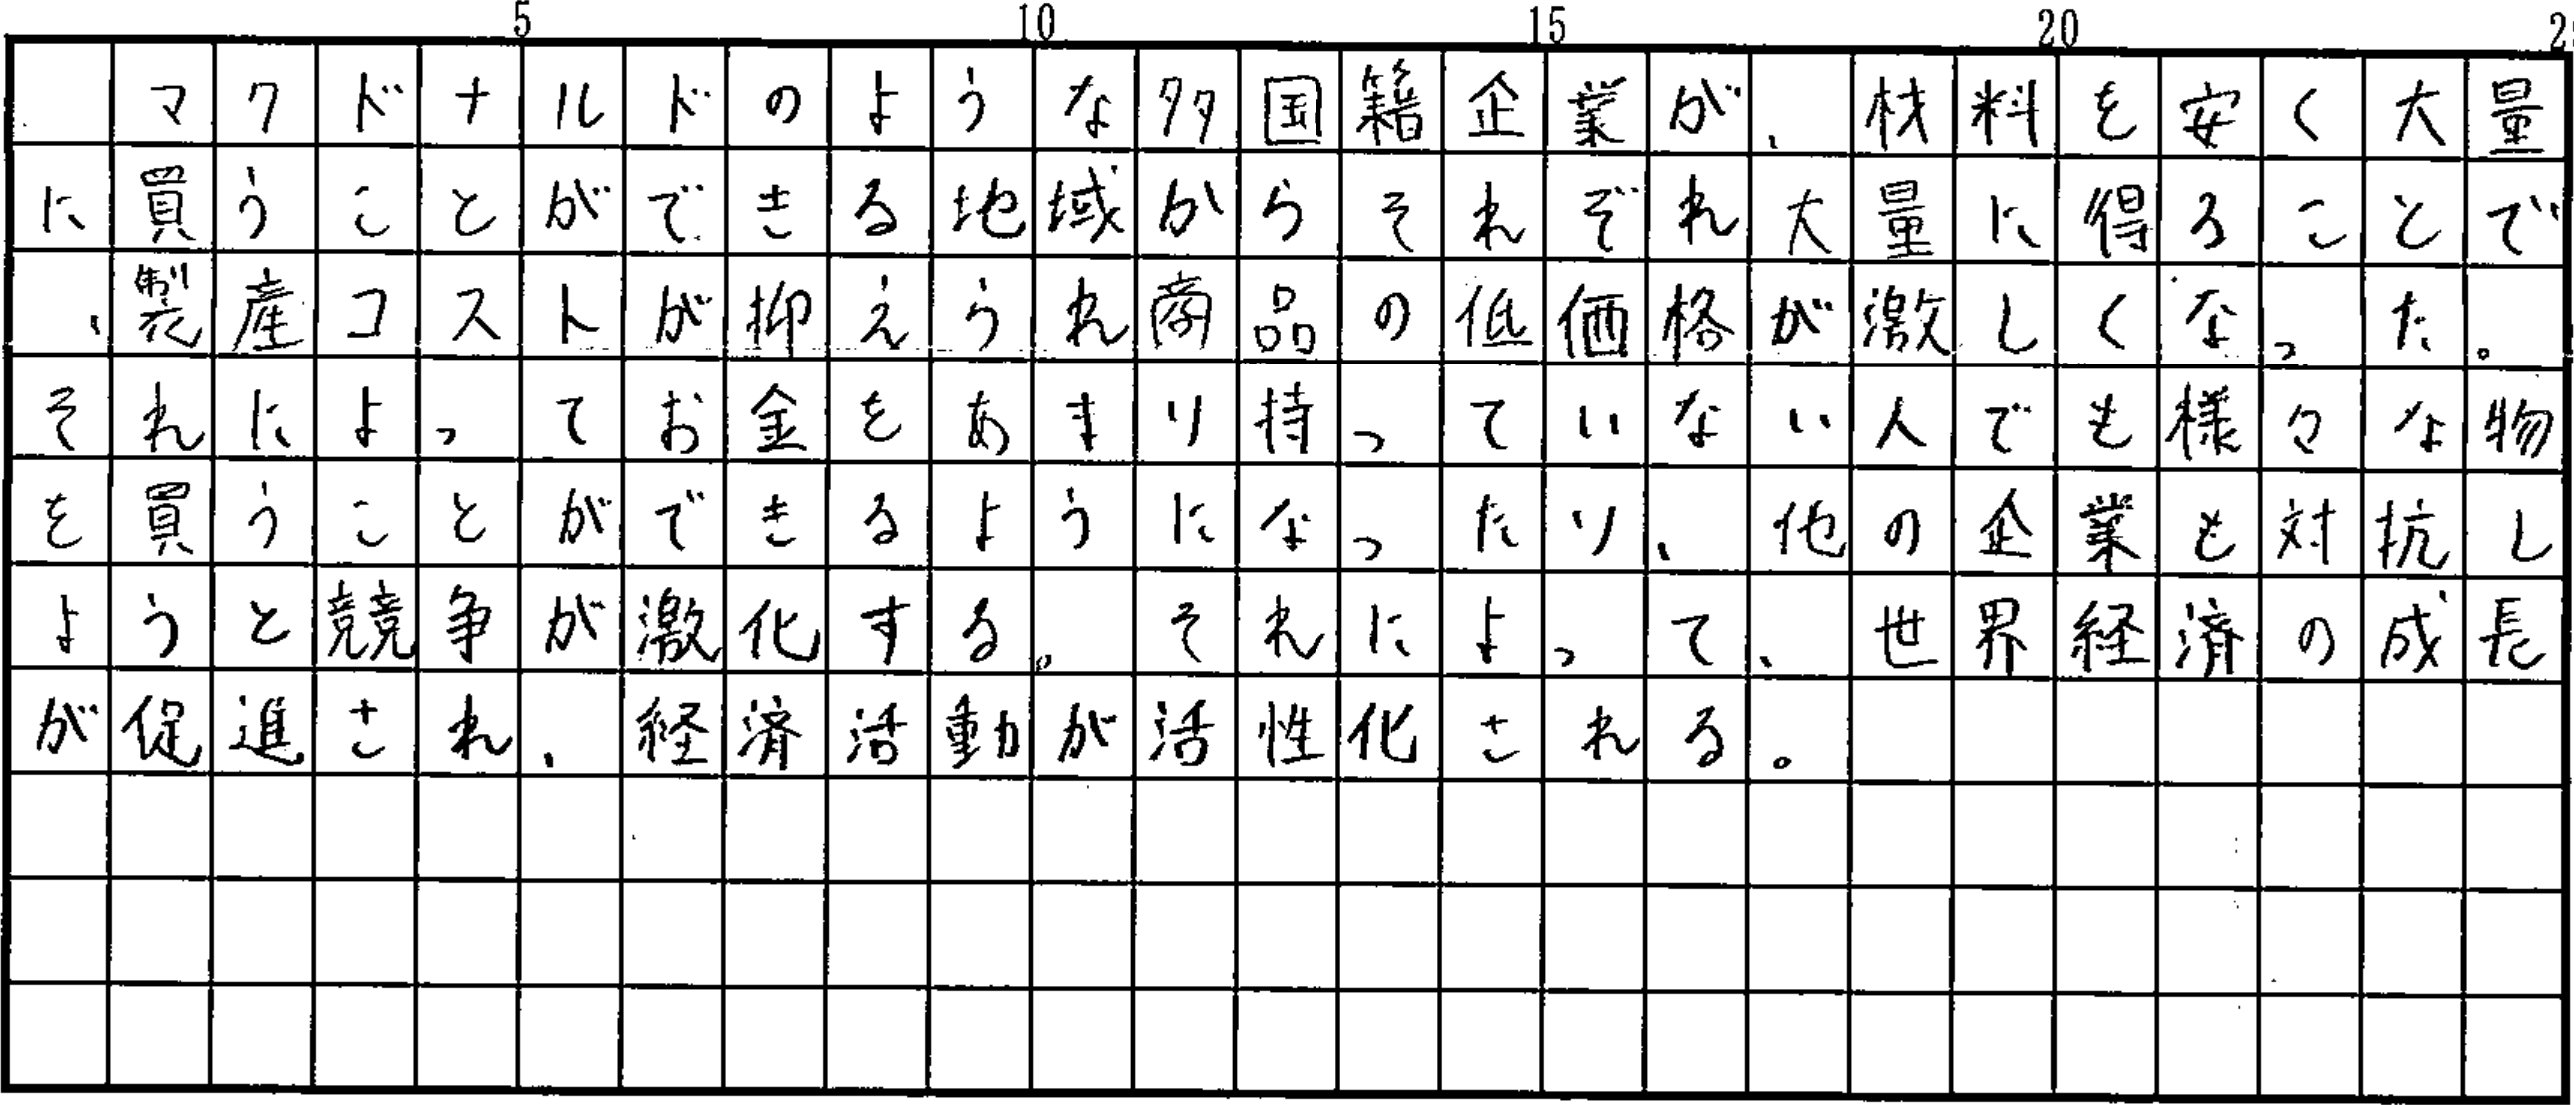　マクドナルドのような多国籍企業が、材料を安く大量に買うことができる地域からそれぞれ大量に得ることで、製産コストが抑えられ商品の低価格が激しくなった。それによってお金をあまり持っていない人でも様々な物を買うことができるようになったり、他の企業も対抗しようと競争が激化する。それによって、世界経済の成長が促進され、経済活動が活性化される。
